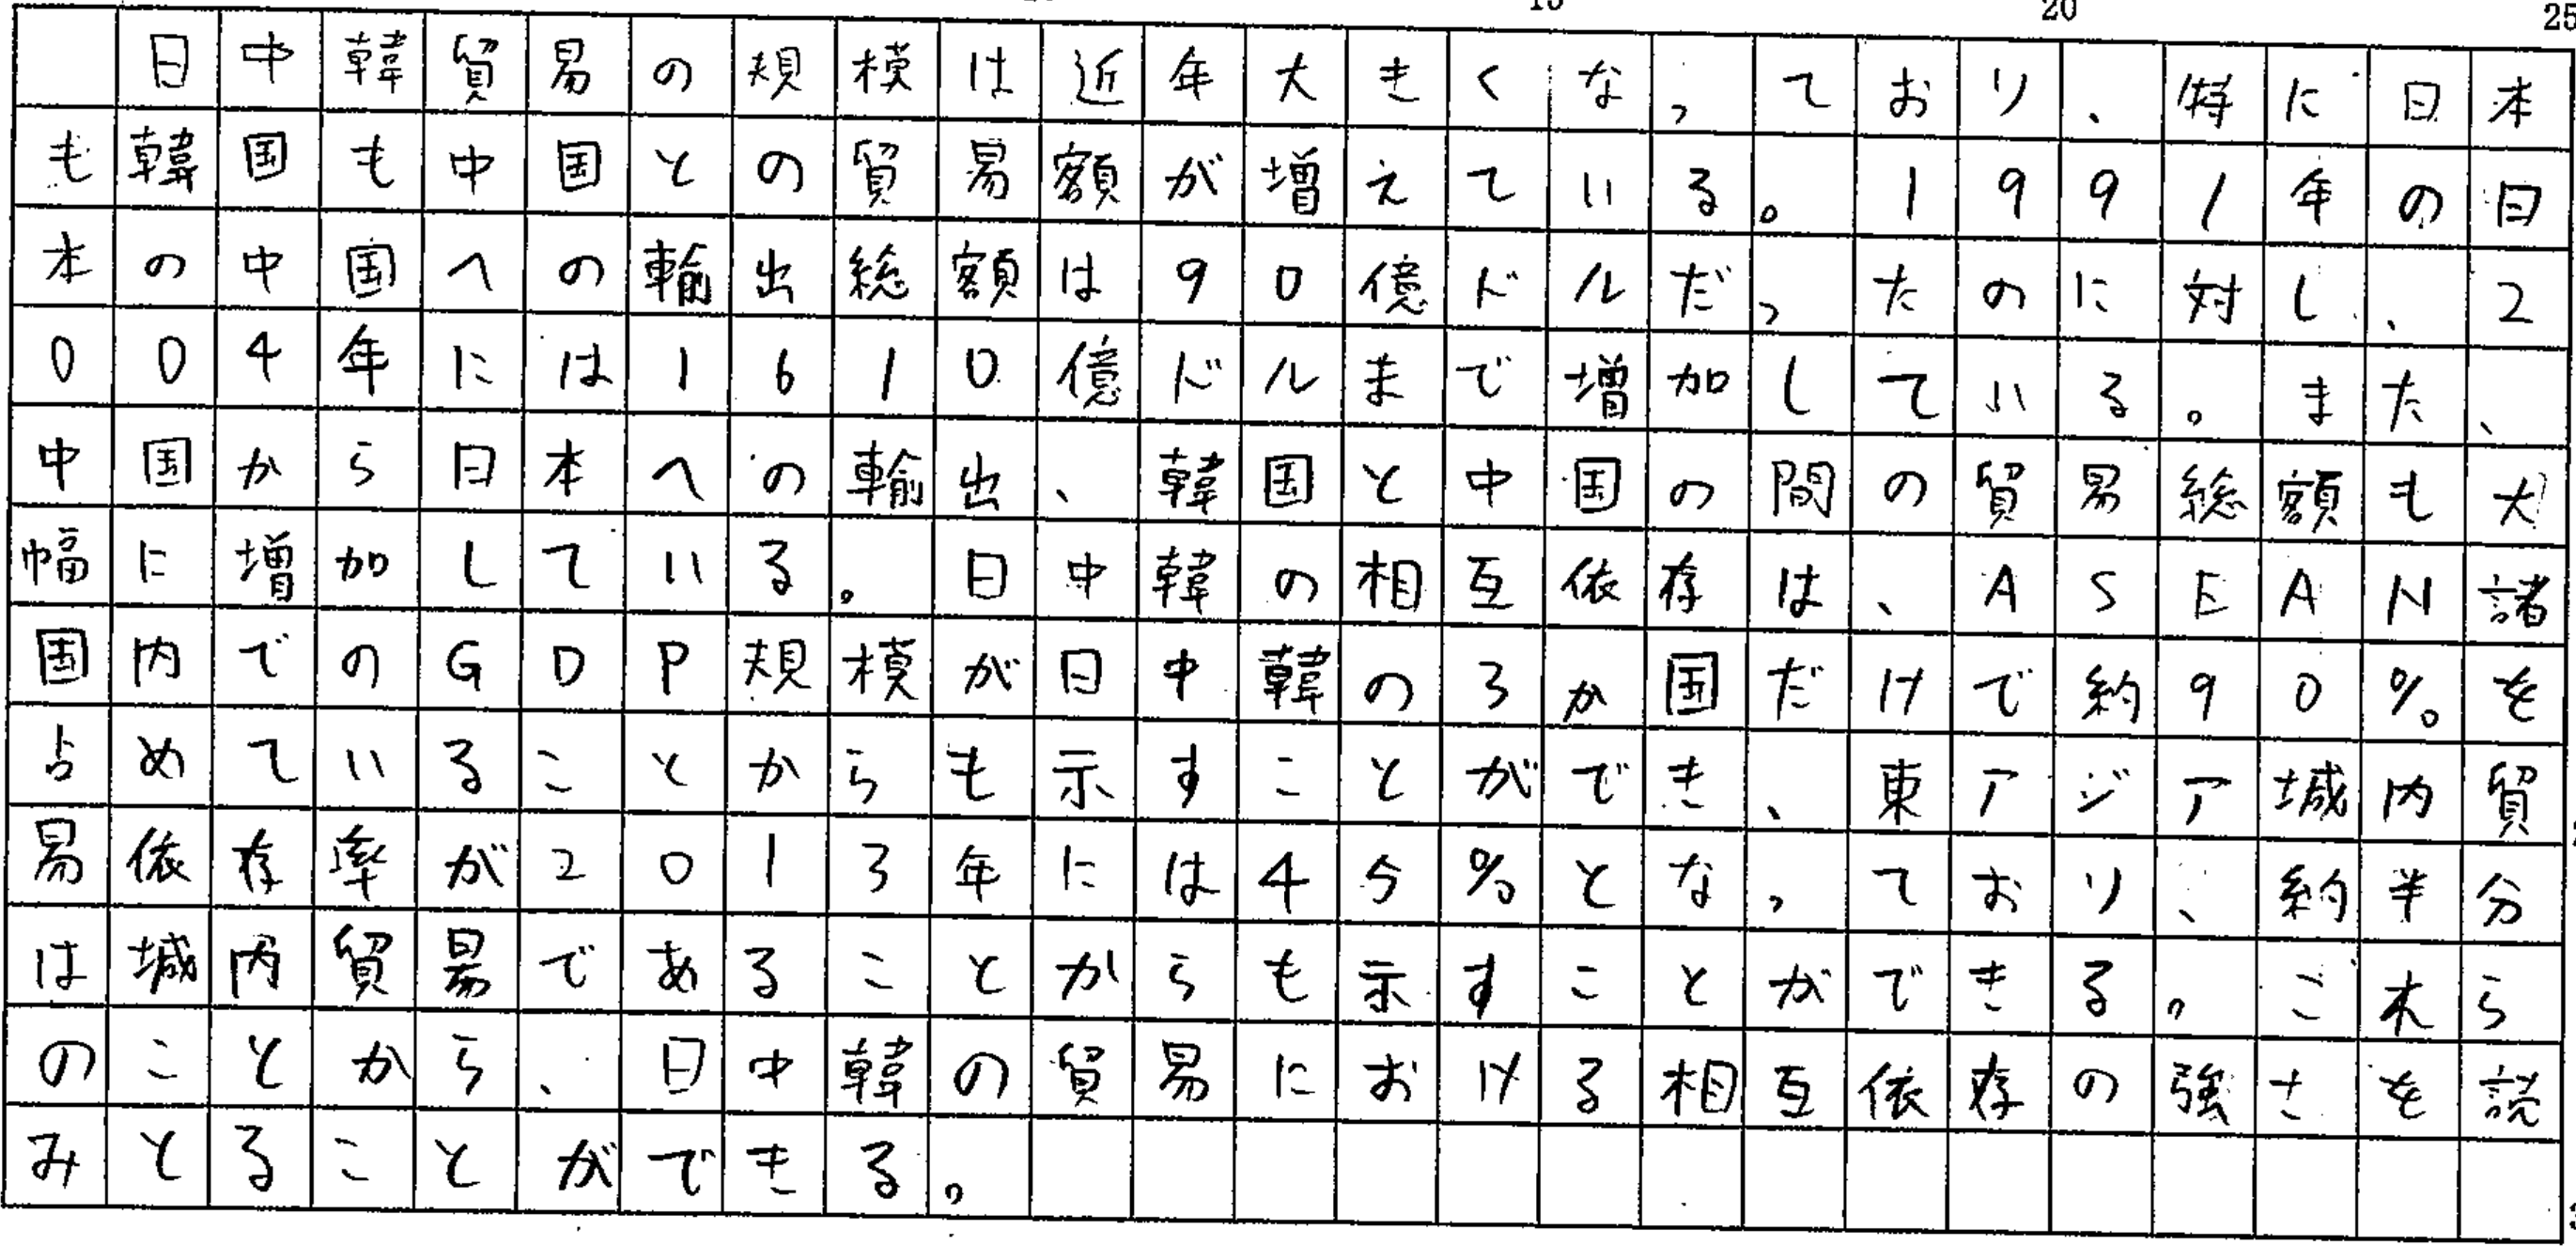　日中韓貿易の規模は近年大きくなっており、特に日本も韓国も中国との貿易額が増えている。１９９１年の日本の中国への輸出総額は９０億ドルだったのに対し、２００４年には１６１０億ドルまで増加している。また、中国から日本への輸出、韓国と中国の間の貿易総額も大幅に増加している。日中韓の相互依存は、ＡＳＥＡＮ諸国内でのＧＤＰ規模が日中韓の３か国だけで約９０％を占めていることからも示すことができ、東アジア▁内貿易依存率が２０１３年には４５％となっており、約半分は▁内貿昜であることからも示すことができる。これらのことから、日中韓の貿易における相互依存の強さを読みとることができる。
